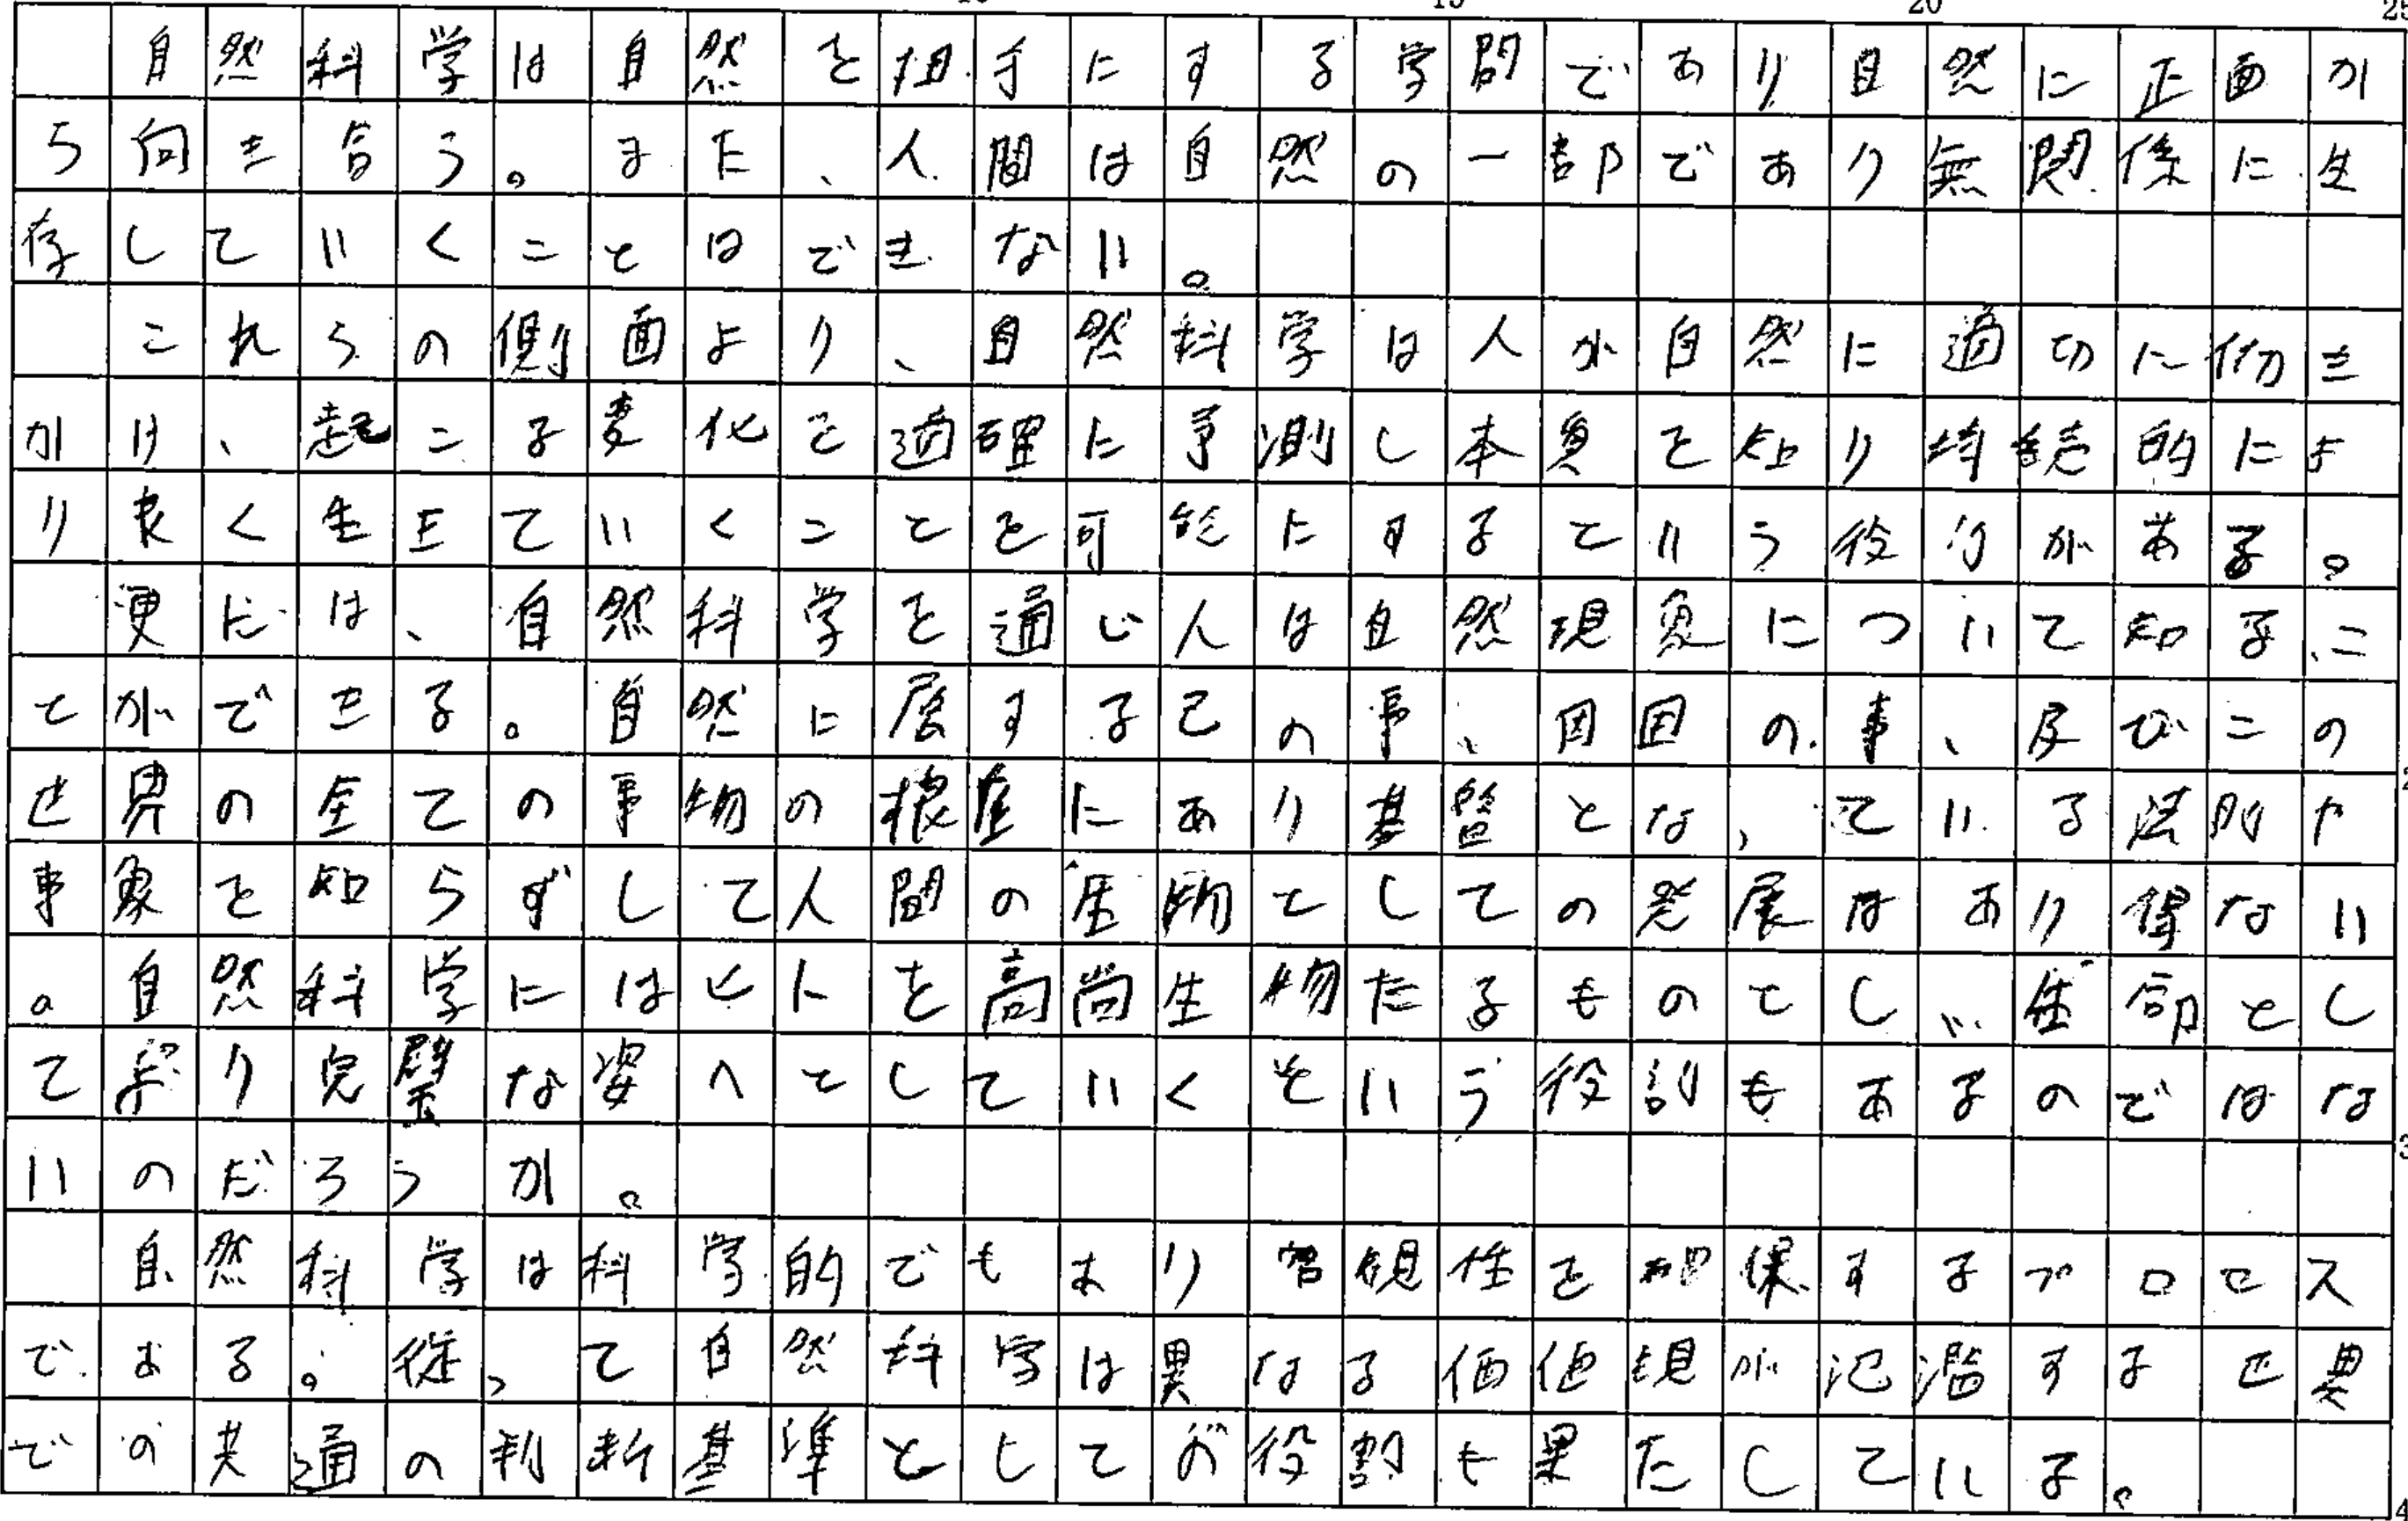　自然科学は自然を相手にする学問であり自然に正面から向き合う。また、人間は自然の一部であり無関係に生存していくことはできない。
　これらの側面より、自然科学は人が自然に適切に働きかけ、起こる変化を適確に予測し本質を知り持続的により良く生きていくことを可能にするという役▁がある。
　更には、自然科学を通じ人は自然現象について知ることができる。自然に属する己の事、周囲の事、及びこの世界の全ての事物の根底にあり基盤となっている法則や事象を知らずして人間の生物としての発展はあり得ない。自然科学にはヒトを高尚生物たるものとし、生命としてより完璧な姿へとしていくという役▁もあるのではないのだろうか。
　自然科学は科学的でもあり客観性を確保するプロセスである。従って自然科学は異なる価値観が氾濫する世界での共通の判断基準としての役割も果たしている。
